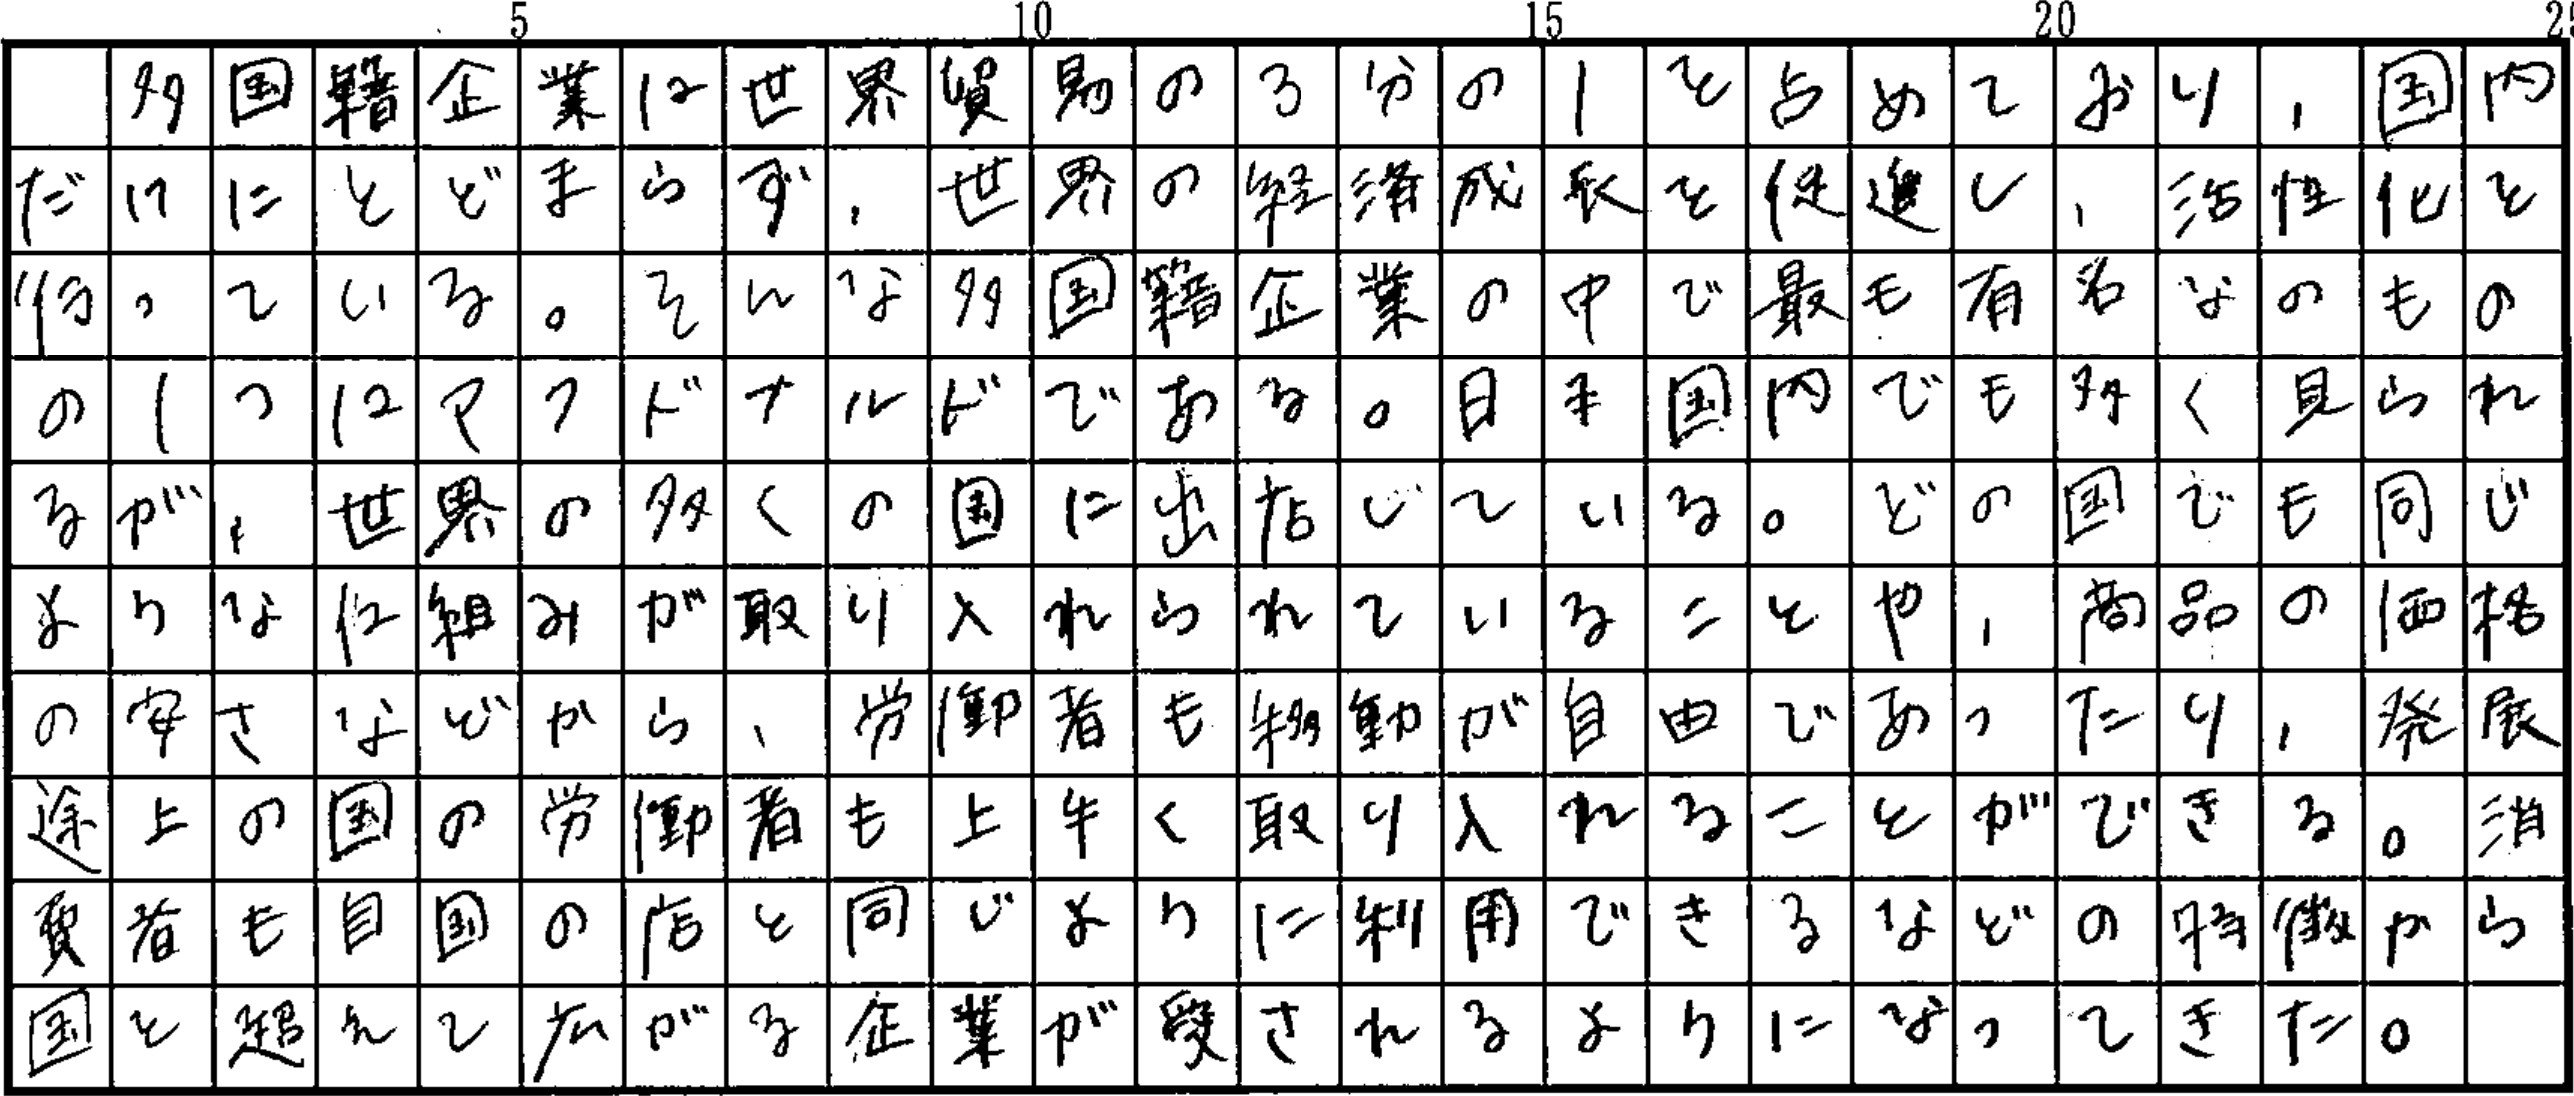　多国籍企業は世界貿易の３分の１を占めており、国内だけにとどまらず、世界の経済成長を促進し、活性化を行っている。そんな多国籍企業の中で最も有名なのものの１つはマクドナルドである。日本国内でも多く見られるが、世界の多くの国に出店している。どの国でも同じような仕組みが取り入れられていることや、商品の価格の安さなどから、労働者も移動が自由であったり、発展途上の国の労働者も上手く取り入れることができる。消費者も自国の店と同じように利用できるなどの特徴から国を超えて広がる企業が愛されるようになってきた。
